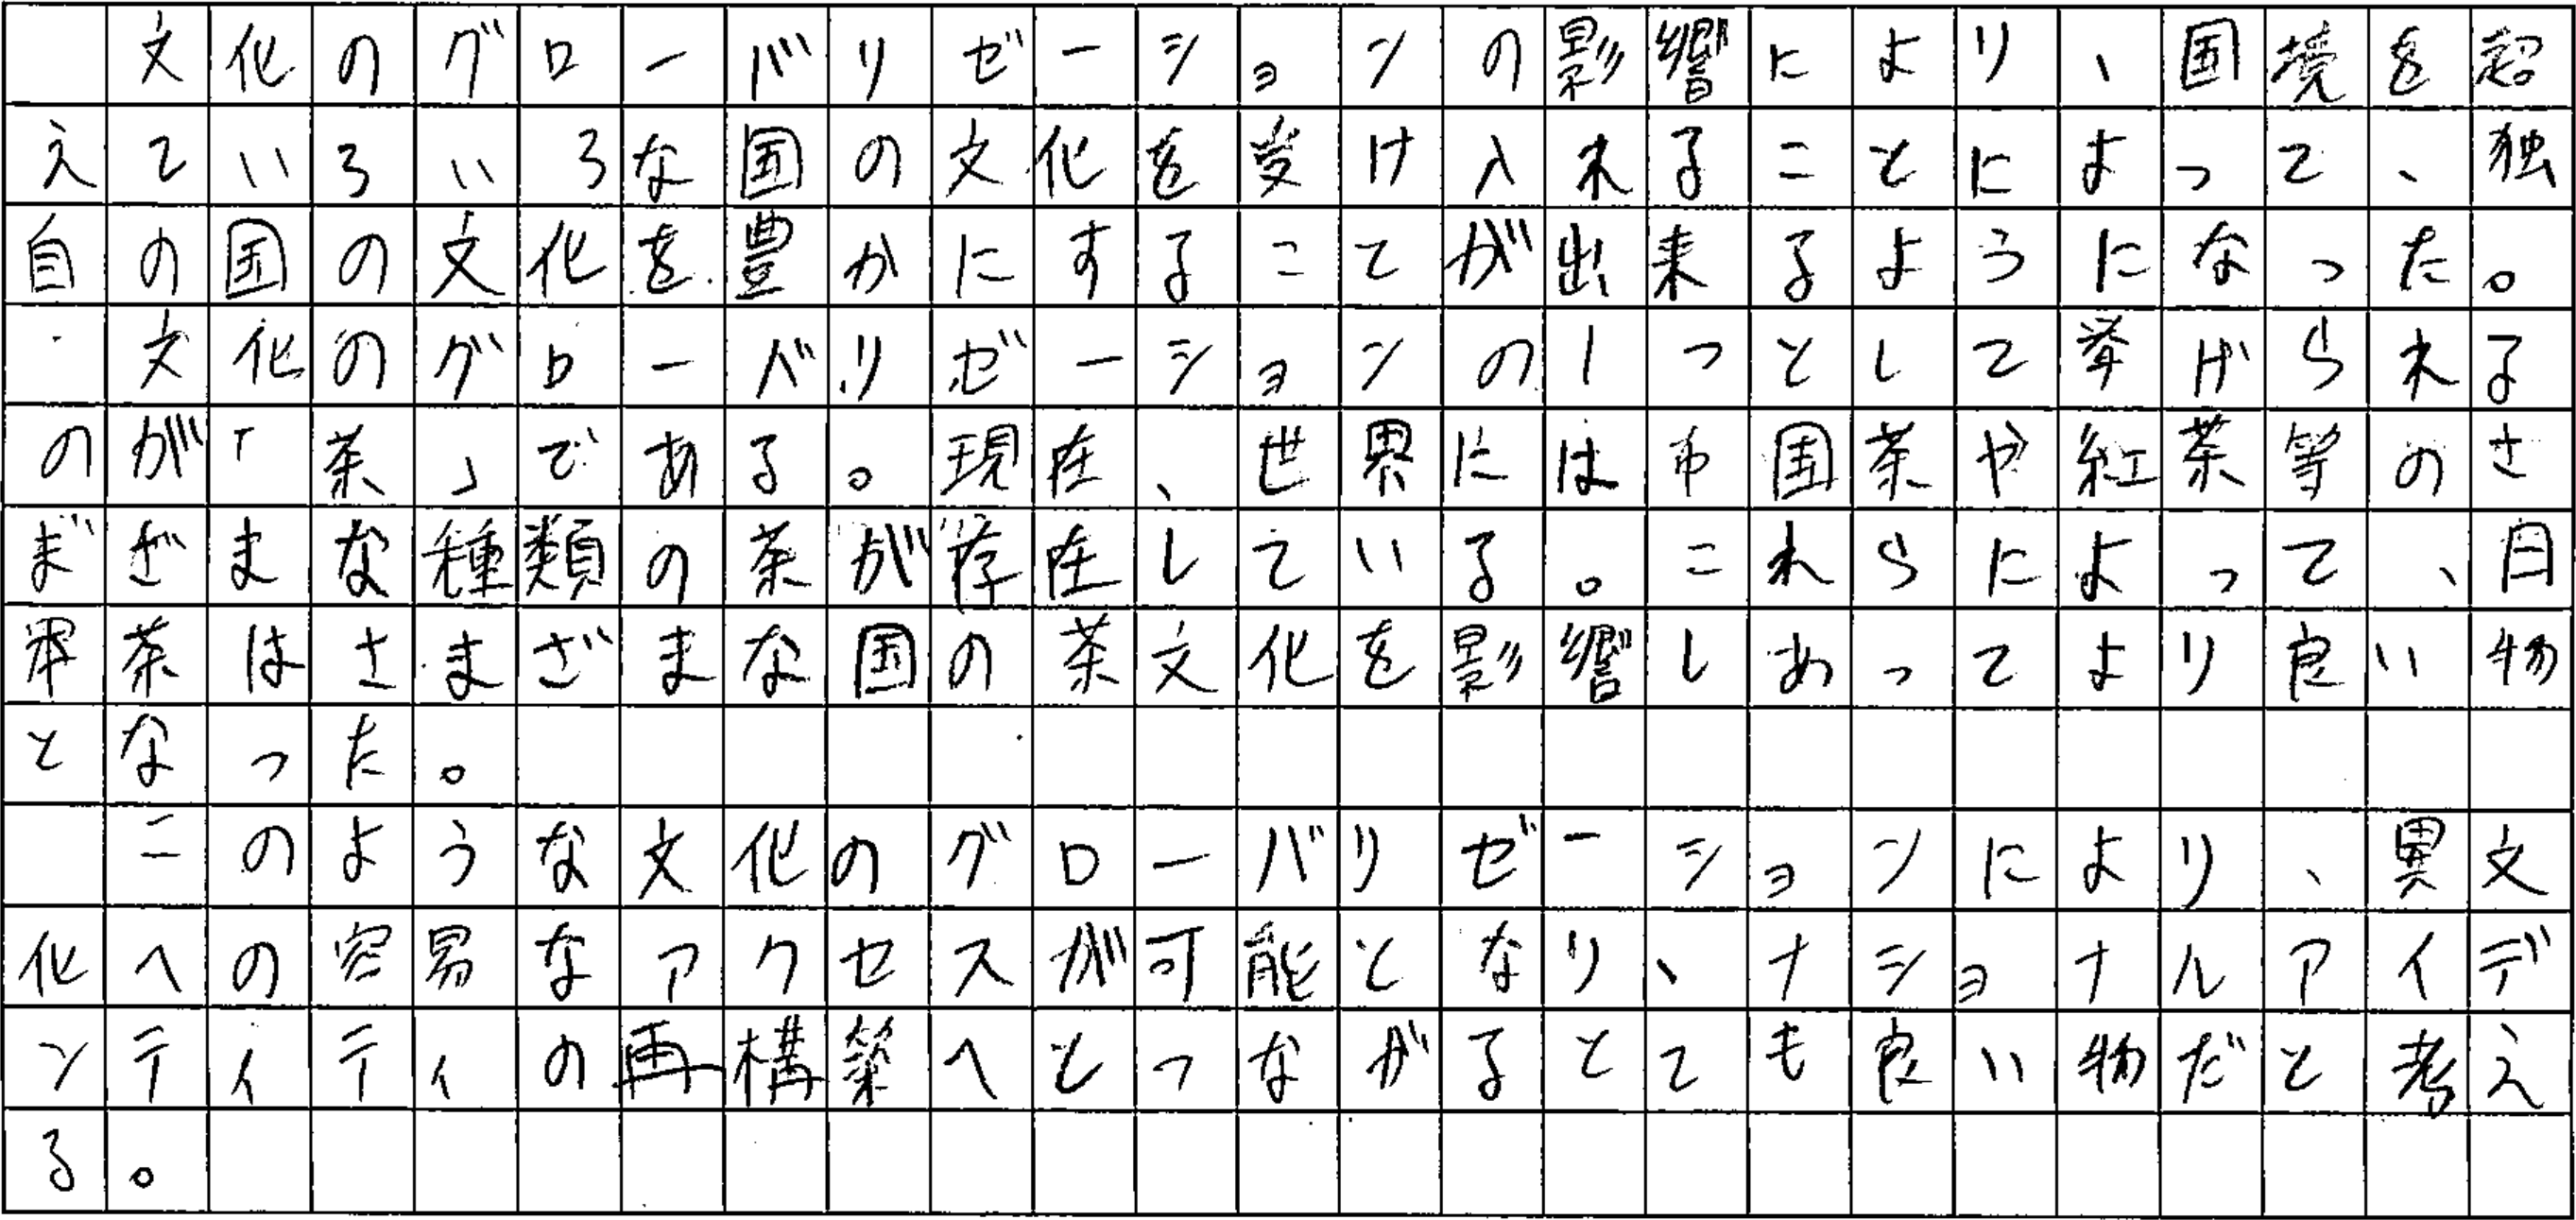　文化のグローバリゼーションの影響により、国境を超えていろいろな国の文化を受け入れることによって、独自の国の文化を豊かにすることが出来るようになった。
　文化のグローバリゼーションの１つとして挙げられるのが「茶」である。現在、世界には中国茶や紅茶等のさまざまな種類の茶が存在している。これらによって、日本茶はさまざまな国の茶文化を影響しあってより良い物となった。
　このような文化のグローバリゼーションにより、異文化への容易なアクセスが可能となり、ナショナルアイデンティティの再構築へとつながるとても良い物だと考える。
